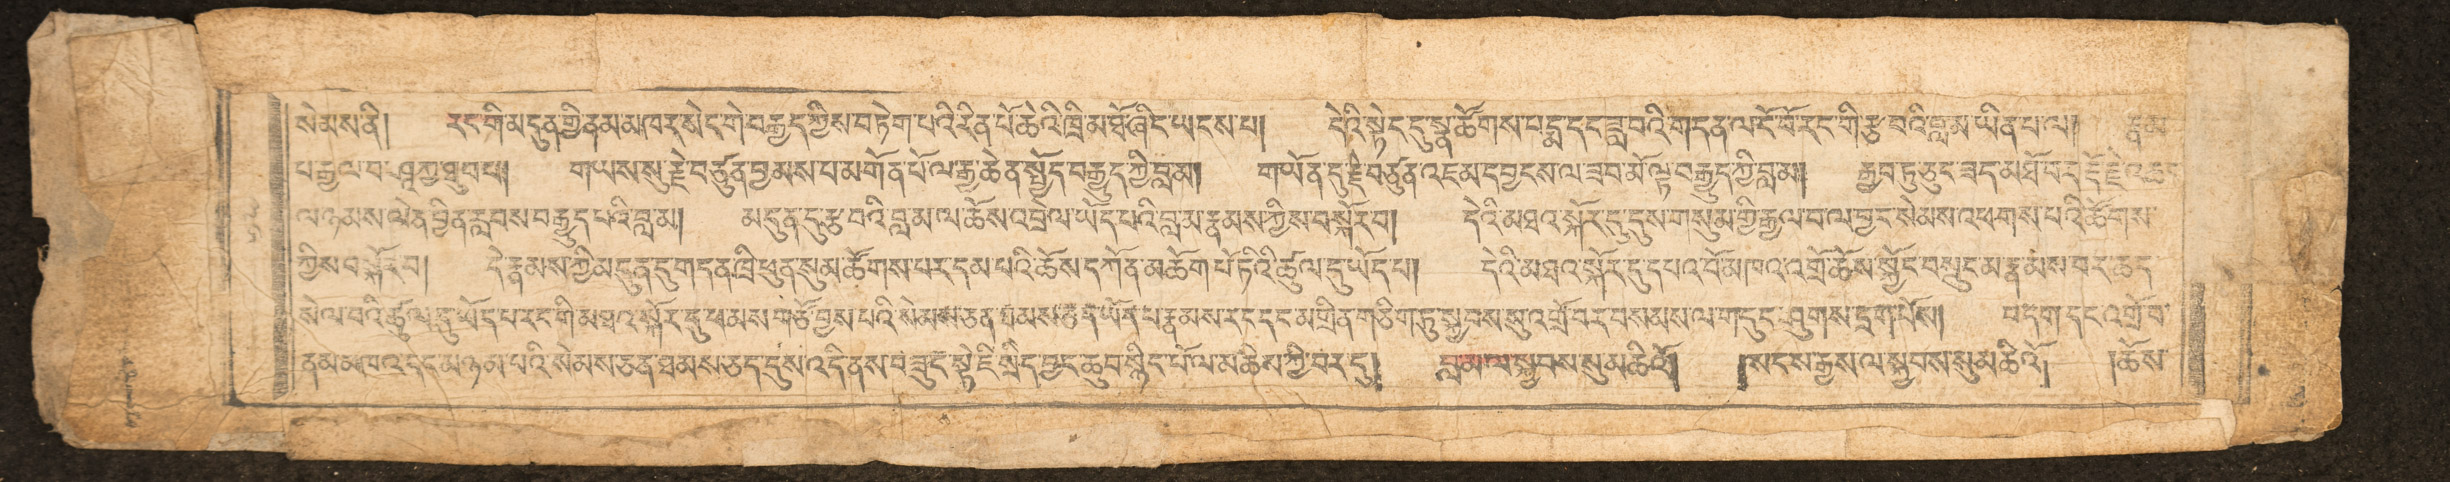སེམས་ནི། རང་གི་མདུན་གྱི་ནམ་མཁར་སེང་གེ་བརྒྱད་ཀྱིས་བཏེག་པའི་རིན་པོ་ཆེའི་ཁྲི་མཐོ་ཞིང་ཡངས་པ། དེའི?་སྟེང་དུ་སྣ་ཚོགས་པདམ་དང་ཟླ་བའི་གདན་ལ་ངོ་བོ་རང་གི་རྩ་བའི་བླ་མ་ཡིན་པ་ལ། རྣམ་
པ་རྒྱལ་བ་ཤཱཀྱ་ཐུབ་པ། གཡས་སུ་རྗེ་བཙུན་བྱམས་བ་མགོན་པོ་ལ་རྒྱ་ཆེན་སྤྱོད་བརྒྱུད་ཀྱི་བླ་མ། གཡོན་དུ་རྗེ་བཙུན་འཇམ་དབྱངས་ལ་ཟབ་མོ་ལྟ་བརྒྱུད་ཀྱི་བླ་མ། རྒྱབ་ཏུ་ཅུང་ཟད་མཐོ་བར་རྡོ་རྗེ་འཆང་
ལ་ཉམས་ལེན་བྱིན་རླབས་བརྒྱུད་པའི་བླ་མ། མདུན་དུ་རྩ་བའི་བླ་མ་ལ་ཆོས་འབྲེལ་ཡོད་པའི་བླ་མ་རྣམས་ཀྱིས་བསྐོར་བ། དེའི་མཐའ་སྐོར་དུ་དུས་གསུམ་གྱི་རྒྱལ་བ་ལ་ཕྱང་སེམས་འཕགས་པའི་ཚོགས་
ཀྱིས་བསྐོར་བ། དེ་རྣམས་ཀྱི་མདུན་དུ་གདན་ཁྲི་ཕུན་སུམ་ཚོགས་བར?་དམ་པའི་ཆོས་དཀོན་མཆོག་པོ་ཏིའི་ཚུལ་དུ་ཡོད་པ། དེའི་མཐའ་སྐོར་དུ་དཔའ་བོ་མཁའ་འགྲོ་ཆོས་སྐྱོང་བསྲུང་མ་རྣམས་བར་ཆད་
སེལ་བའི་ཚུལ་དུ་ཡོད་པ་རང་གི་མཐའ་སྐོར་དུ་ཕ་མས་གཙོ་བྱས་པའི་སེམས་ཅན་ཐམས་ཅད་ཡོད་པ་རྣམས་རང་དང་མགྲིན་ཅིག་ཏུ་སྐྱབས་སུ་འགྲོ་བར?་བསམ?་ཤུགས་དྲག་པོས?། བདག་དང་འགྲོ་བ་
ནམ་མཁའ་དང་མཉམ་པའི་སེམས་ཅན་ཐམས་ཅད་དུས་འདི་ནས་བཟུང་སྟེ་ཇི་སྲིད་བྱང་ཆུབ་སྙིང་པོ་ལ་མཆིས་ཀྱི་བར་དུ། །བླ་མ་ལ་སྐྱབས་སུ་མཆིའོ། །སངས་རྒྱས་ལ་སྐྱབས་སུ་མཆིའོ། །ཆོས་